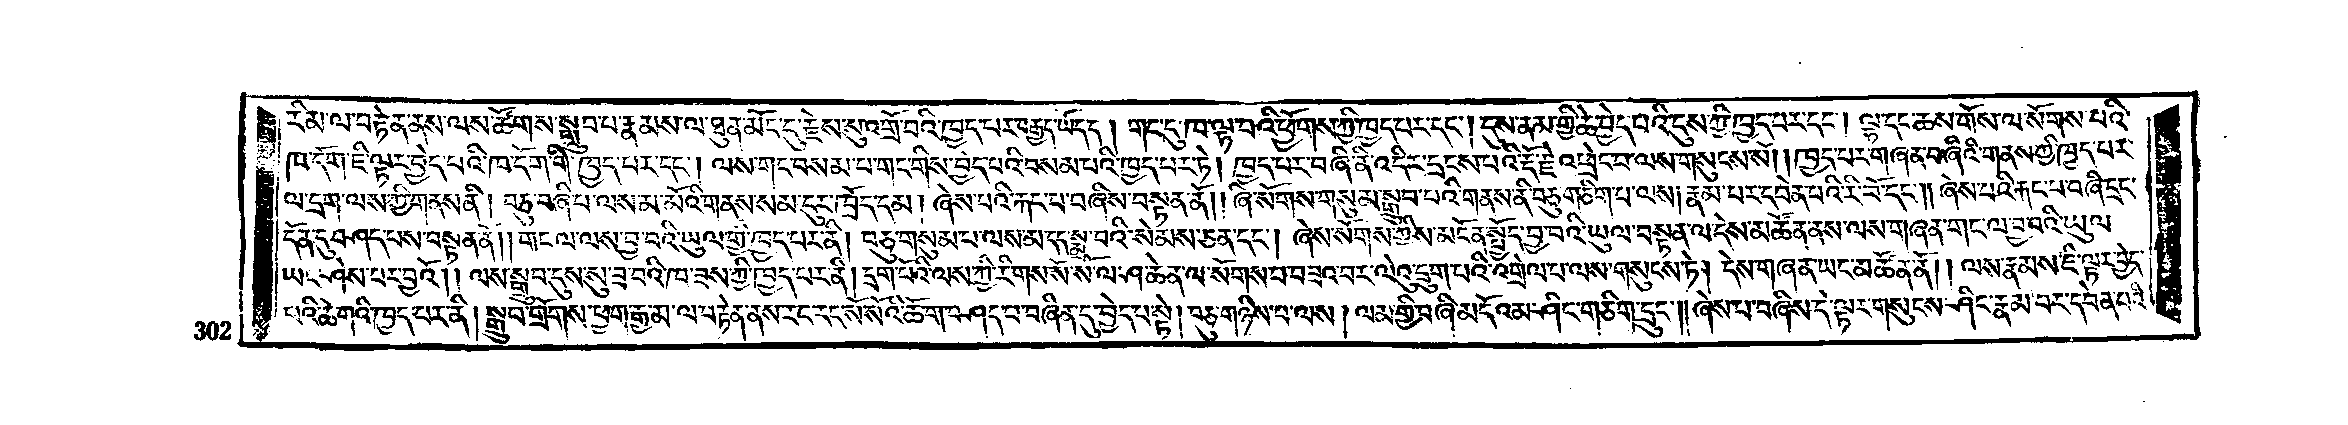རིམ་ལ་བརྟེན་ནས་ལས་ཚོགས་སྒྲུབ་པ་རྣམས་ལ་ཐུན་མོང་དུ་རྗེས་སུ་འགྲོ་བའི་ཁྱད་པར་བརྒྱད་ཡོད་དེ། གང་དུ་ཁ་ལྟ་བའི་ཕྱོགས་ཀྱི་ཁྱད་པར་དང་། དུས་ནམ་གྱི་ཚེ་བྱེད་པའི་དུས་ཀྱི་ཁྱད་པར་དང་། ལྷ་དང་ཆས་གོས་ལ་སོགས་པའི་
ཁ་དོག་ཇི་ལྟར་བྱེད་པའི་ཁ་དོག་གི་ཁྱད་པར་དང་། ལས་གང་བསམ་པ་གང་གིས་བྱེད་པའི་བསམ་པའི་ཁྱད་པར་ཏེ། ཁྱད་པར་བཞི་ནི་འདིར་དྲངས་པའི་རྡོ་རྗེ་འཕྲེང་བ་ལས་གསུངས་སོ། །ཁྱད་པར་གཞན་བཞིའི་གནས་ཀྱི་ཁྱད་པར་
ལ་དྲག་ལས་ཀྱི་གནས་ནི། བཅུ་བཞི་པ་ལས་མ་མོའི་གནས་སམ་དུར་ཁྲོད་དམ། ཞེས་པའི་རྐང་པ་བཞིས་བསྟན་ནོ། །ཞི་སོགས་གསུམ་སྒྲུབ་པའི་གནས་ནི་བཅུ་གཅིག་པ་ལས། རྣམ་པར་དབེན་པའི་རི་བོ་དང་། །ཞེས་པའི་རྐང་པ་བཞི་དྲང་
དོན་དུ་བཤད་པས་བསྟན་ནོ། །གང་ལ་ལས་བྱ་བའི་ཡུལ་གྱི་ཁྱད་པར་ནི། བཅུ་གསུམ་པ་ལས་མ་དད་སྨྲ་བའི་སེམས་ཅན་དང་། ཞེས་སོགས་ཀྱིས་མངོན་སྤྱོད་བྱ་བའི་ཡུལ་བསྟན་ལ་དེས་མཚོན་ནས་ལས་གཞན་གང་ལ་བྱ་བའི་ཡུལ་
ཡང་ཤེས་པར་བྱའོ། །ལས་སྒྲུབ་དུས་སུ་ཟ་བའི་ཁ་ཟས་ཀྱི་ཁྱད་པར་ནི། དྲག་པོའི་ལས་ཀྱི་རིགས་སོ་སོ་ལ་ཤ་ཆེན་ལ་སོགས་པ་བཟའ་བར་ལེའུ་དྲུག་པའི་འགྲེལ་པ་ལས་གསུངས་ཏེ། དེས་གཞན་ཡང་མཚོན་ནོ། །ལས་རྣམས་ཇི་ལྟར་བྱེད་
པའི་ཆོ་གའི་ཁྱད་པར་ནི། སྒྲུབ་གྲོགས་ཕྱག་རྒྱ་མ་ལ་བརྟེན་ནས་རང་རང་སོ་སོའི་ཆོ་ག་བཤད་པ་བཞིན་དུ་བྱེད་པ་སྟེ། བཅུ་གཉིས་པ་ལས། ལམ་གྱི་བཞི་མདོའམ་ཤིང་གཅིག་དྲུང་། །ཞེས་པ་བཞིས་དེ་ལྟར་གསུངས་ཤིང་རྣམ་པར་དབེན་པའི་